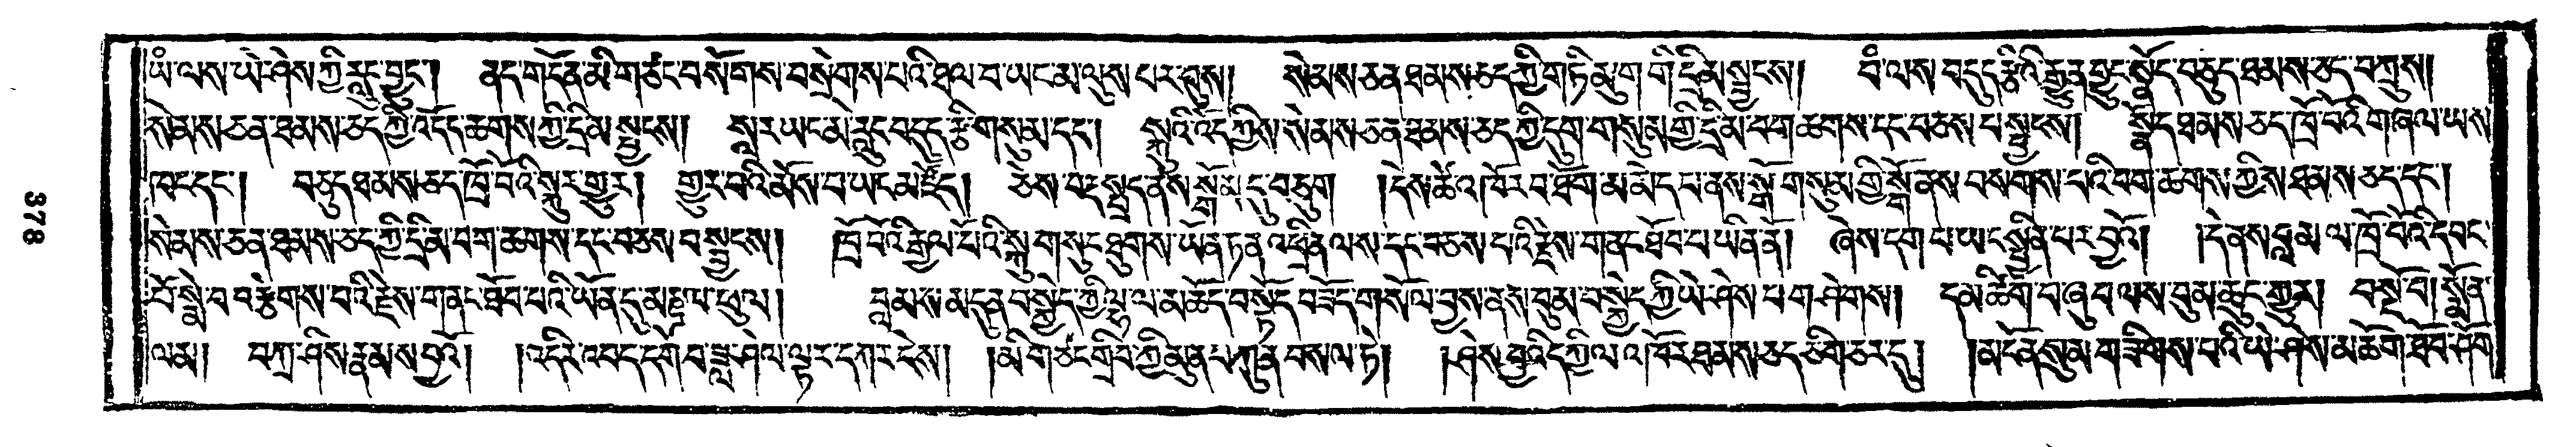ཡཾ་ལས་ཡེ་ཤེས་ཀྱི་རླུང་བྱུང་། །ནད་གདོན་མི་གཙང་བ་སོགས་བསྲེགས་པའི་ཐལ་པ་ཡང་མ་ལུས་པར་བུས། །སེམས་ཅན་ཐམས་ཅད་ཀྱི་གཏི་མུག་གི་དྲི་མ་སྦྱངས། །བཾ་ལས་བདུད་རྩིའི་རྒྱུན་བྱུང་སྣོད་བཅུད་ཐམས་ཅད་བཀྲུས། །
སེམས་ཅན་ཐམས་ཅད་ཀྱི་འདོད་ཆགས་ཀྱི་དྲི་མ་སྤྱངས། །སླར་ཡང་མེ་རླུང་བདུད་རྩི་གསུམ་དང་། །སྐུའི་འོད་ཀྱིས་སེམས་ཅན་ཐམས་ཅད་ཀྱི་དགུ་གསུམ་གྱི་དིར་མ་བག་ཆགས་དང་བཅས་པ་སྦྱངས། །སྣོད་ཐམས་ཅད་ཁོར་བོའི་གཞལ་ཡས་
ཁང་དང་། བཅུད་ཐམས་ཅད་ཁྲོ་བོའི་སྐུར་གྱུར། །གྱུར་པའི་མོས་པ་ཡང་མཛོད། ཅེས་བརྡ་སྤྲད་ནས་སྒོམ་དུ་བཅུག །དེས་ཚེ་འཁོར་བ་ཐོག་མ་མེད་པ་ནས་སྒོ་གསུམ་གྱི་སྒོ་ནས་བསགས་པའི་བག་ཆགས་ཀྱིས་ཐམས་ཅད་དང་།
སེམས་ཅན་ཐམས་ཅད་ཀྱི་དྲི་མ་བག་ཆགས་དང་བཅས་བ་སྦྱངས། ཁྲོ་བོའི་རྒྱལ་པོ་འ་སྐུ་གསུང་ཐུགས་ཡོན་ཏན་འཕྲིན་ལས་དང་བཅས་པའི་རྗེས་གནང་ཐོབ་པ་ཡིན་ནོ། །ཞེས་དག་པ་ཡང་སྦྱིན་པར་བྱའོ། །དེ་ནས་བླ་མ་ལ་ཁྲོ་བོའི་དབང་
པོ་སྨེ་བ་བཙེགས་པའི་རྗེས་གནག་ཐོབ་པའི་ཡོན་ཏུ་མཎྜལ་ཕུལ། །བླ་མས་མདུན་བསྐྱེད་ཀྱི་ལྷ་ལ་མཆོད་བསྟོད་བཟོད་གསོལ་བྱས་ནས་བུམ་པ་སྐྱེད་ཀྱི་ཡེ་ཤེས་པ་གཤེགས། །དམ་ཚིག་བ་ཞུབ་ལས་བུམ་ཆུང་གྱུར། །བསྔོ་བ། སྨོན་
ལམ། བཀྲ་ཤིས་རྣམས་བྱའོ། །འདིར་འབད་དགོ་བ་ཟླ་ཤེལ་ལྟར་དཀར་ངེས། །མིག་ཙང་གྲིབ་ཀྱི་མུན་བ་ཀུན་བསལ་ཏེ། །ཤེས་བྱའི་དཀྱིལ་འཁོར་ཐམས་ཅད་ཅིག་ཅར་དུ། །མངོན་སུམ་གཟིགས་པའི་ཡེ་ཤེས་མཆོག་ཐོབ་ཤོག་